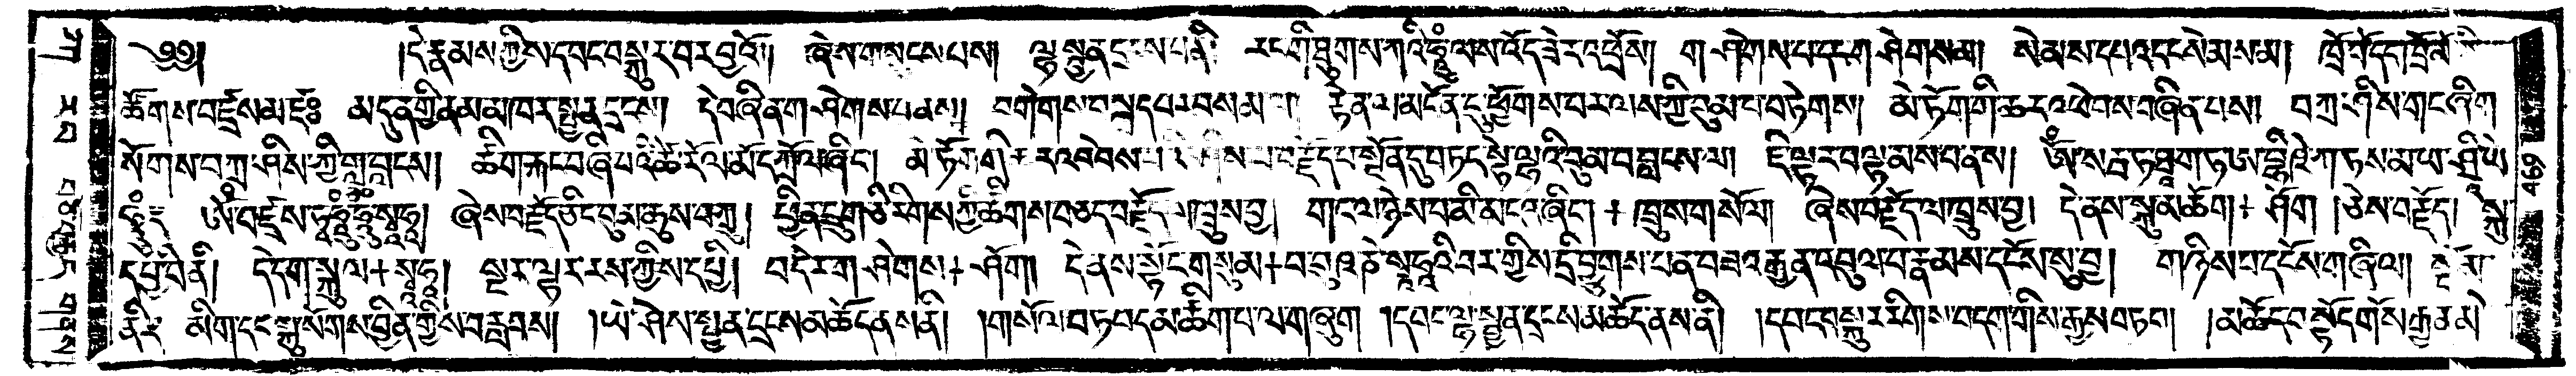༄༅། །དེ་རྣམས་ཀྱིས་དབང་བསྐུར་བར་བྱའོ། །ཞེས་གསུངས་པས། ལྷ་སྤྱན་དྲངས་པ་ནི། རང་གི་ཐུགས་ཀའི་ཧཱུཾ་ལས་འོད་ཟེར་འཕྲོས། གཤེགས་པ་དང་གཤེགས། སེམས་དཔའ་དང་སེམས་མ། ཁྲོ་བོ་དང་ཁྲོ་མོའི་
ཚོགས་བྫྲ་སམ་ཛཿ མདུན་གྱི་ནམ་མཁར་སྤྱན་དངས། དེ་བཞིན་གཤེགས་པ་ནས། བགེགས་བསྐད?་པར་བསམས་རྟེན་ལ་མངོན་དུ་ཕྱོགས་པར་ལས་ཀྱི་བུམ་པ་བཏེགས། མེ་ཏོག་གི་ཆར་འཕེབས་བཞིན་པས། བཀྲ་ཤིས་གང་ཞིག་
སོགས་བཀྲ་ཤིས་ཀྱིས་གླ་བླངས། ཚིག་རྐང་བཞི་པའི་ཚེ་རོལ་མོ་དཀྲོལ་ཞིང་། མེ་ཏོག་གི་རྟར་འབབས་པར་ཤས་པ་བརྗོད་པ་སྔོན་དུ་བཏང་སྟེ་ལྷའི་བུམ་བ་བླངས་པ། ཇི་ལྟར་བལྟམས་པ་ནས། ཨོཾ་སརྦ་ཐཱ་ཏ་ཏ་ཨ་བྷི་ཥེ་ཀ་ཏས་མ་ཡ་ཤྲེ་ཡེ་
ཧཱུཾ། ཨོཾ་བཛྲ་ས་ཏྭ་ཧཱུཾ་ཧཱུཾ་སྭཱཧཱ། ཞེས་བརྗོད་ཅིང་བུམ་ཆུས་བཀྲུ། ཕྱིན་དྲུག་ཅི་རིགས་ཀྱི་ཚིགས་བཅད་བརྗོད་ལ་ཁྲུས་བྱ། །གང་ལ་ཉེས་པ་མི་མངའ་ཞིང་། ྾་ཁྲུས་གསོར། ཞེས་བརྗོད་ལ་ཁྲུས་བྱ། དེ་ནས་སྐུ་མཆོག་྾་ཤོག། ཅེས་བརྗོད། སྐུ་
དབྱི་བ་ནི། དེ་དག་སྐུལ་྾་སྭཱཧཱ། སྔར་ལྟར་རས་ཀྱིས་དཔྱི། བདེར་གཤེགས་྾་ཤོག། དེ་ནས་སྟོན་གསུམ་྾་བ་བུ་ཥ་ཎེ་སྭཱ་ཧཱའི་བར་གྱིས་དྲི་བྱུགས་པ་ན་བཟའ་རྒྱན་འབུལ་བ་རྣམས་དངོས་སུ་བྱ། གཉིས་པ་དངོས་གཞི་ལ། སྔོམ?
ནི། །མིག་དང་སྐུ་སོགས་བྱིན་གྱིས་བརླབས། །ཡེ་ཤེས་སྤྱན་དྲངས་མཆོད་ནས་ནི། གསོལ་བཏབ་དམ་ཚིག་པ་ལག་ཞུག །དབང་ལྷ་སྤྱན་དྲངས་མཆོད་ནས་ནི། །དབང་སྐུར་རིགས་བདག་གིས་རྒྱས་བཏབ། །མཆོད་བསྟོད་གོས་རྒྱན་མེ་